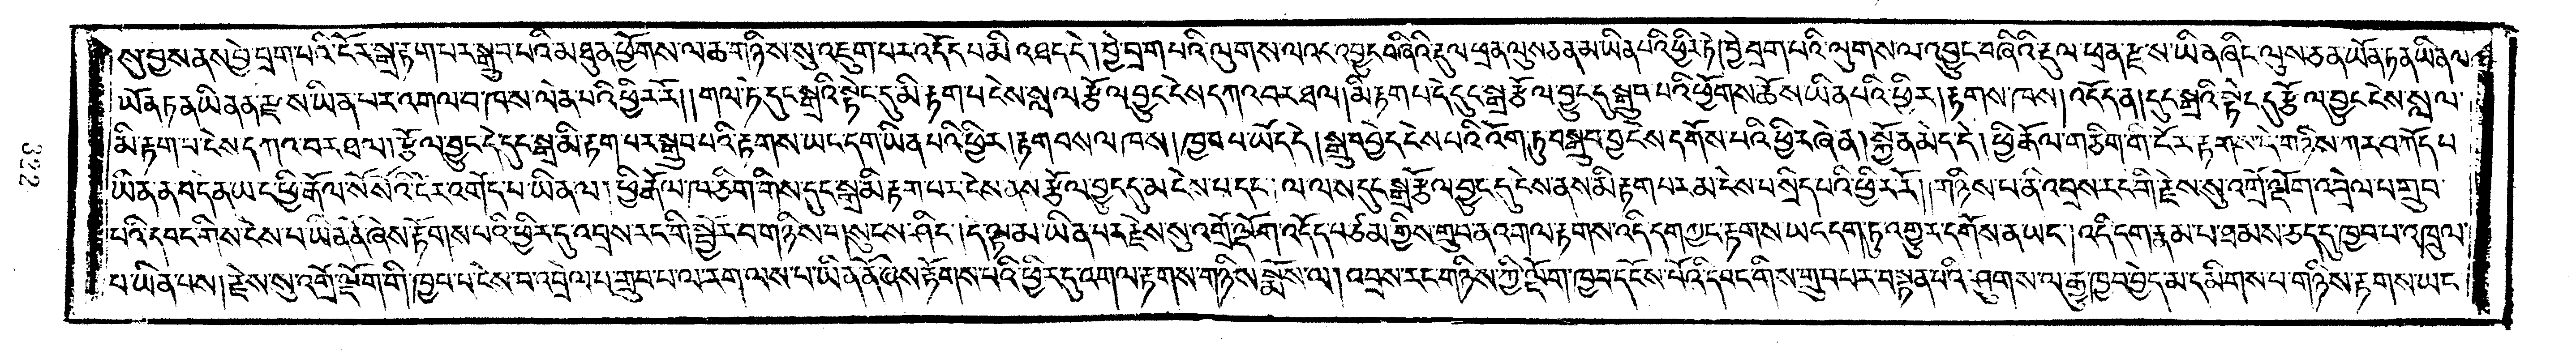སུ་བྱས་ནས་བྱེ་བྲག་པའི་ངོར་སྒྲ་རྟག་པར་སྒྲུབ་པའི་མཐུན་ཕྱོགས་ལ་ཆ་གཉིས་སུ་འཇུག་པར་འདོད་པ་མི་འཐད་དེ། བྱེ་བྲག་པའི་ལུགས་ལའང་འབྱུང་བཞིའི་རྡུལ་ཕྲན་ལུས་ཅན་མ་ཡིན་པའི་ཕྱིར་ཏེ། བྱེ་བྲག་པའི་ལུགས་ལ་འབྱུང་བཞིའི་རྡུལ་ཕྲན་རྫས་ཡིན་ཞིང་ལུས་ཅན་ཡོན་ཏན་ཡིན་ལ་
ཡོན་ཏན་ཡིན་ན་རྫས་ཡིན་པར་འགལ་བ་ཁས་ལེན་པའི་ཕྱིར་རོ། །གལ་ཏེ་དུང་སྒྲའི་སྟེང་དུ་མི་རྟག་པ་ངེས་སླ་ལ་རྩོལ་བྱུང་ངེས་དཀའ་བར་ཐལ། མི་རྟག་པ་དེ་དུང་སྒྲ་རྩོལ་བྱུང་དུ་སྒྲུབ་པའི་ཕྱོགས་ཆོས་ཡིན་པའི་ཕྱིར། རྟགས་ཁས། འདོད་ན། དུང་སྒྲའི་སྟེང་དུ་རྩོལ་བྱུང་ངེས་སླ་ལ་
མི་རྟག་པ་ངེས་དཀའ་བར་ཐལ། རྩོལ་བྱུང་དེ་དུང་སྒྲ་མི་རྟག་པར་སྒྲུབ་པའི་རྟགས་ཡང་དག་ཡིན་པའི་ཕྱིར། རྟག་བསལ་ཁས། ཁྱབ་པ་ཡོད་དེ། སྒྲུབ་བྱེད་ངེས་པའི་འོག་ཏུ་བསྒྲུབ་བྱ་ངེས་དགོས་པའི་ཕྱིར་ཞེ་ན། སྐྱོན་མེད་དེ། ཕྱི་རྒོལ་གཅིག་གི་ངོར་རྟགས་དེ་གཉིས་ཀར་བཀོད་པ་
ཡིན་ན་བདེན་ཡང་ཕྱི་རྒོལ་སོ་སོའི་ངོར་འགོད་པ་ཡིན་ལ། ཕྱི་རྒོལ་ཁ་ཅིག་གིས་དུང་སྒྲ་མི་རྟག་པར་ངེས་ནས་རྩོལ་བྱུང་དུ་མ་ངེས་པ་དང་། ལ་ལས་དུང་སྒྲ་རྩོལ་བྱུང་དུ་ངེས་ནས་མི་རྟག་པར་མ་ངེས་པ་སྲིད་པའི་ཕྱིར་རོ། །གཉིས་པ་ནི་འབྲས་རང་གི་རྗེས་སུ་འགྲོ་ལྡོག་འབྲེལ་པ་གྲུབ་
པའི་དབང་གིས་ངེས་པ་ཡིན་ནོ་ཞེས་རྟོགས་པའི་ཕྱིར་དུ་འབྲས་རང་གི་སྦྱོར་བ་གཉིས་གསུངས་ཤིང་། དེ་ལྟ་མ་ཡིན་པར་རྗེས་སུ་འགྲོ་ལྡོག་འདོད་པ་ཙམ་གྱིས་གྲུབ་ན་འགལ་རྟགས་འདི་དག་ཀྱང་རྟགས་ཡང་དག་ཏུ་འགྱུར་དགོས་ན་ཡང་། འདི་དག་རྣམ་པ་ཐམས་ཅད་དུ་ཁྱབ་པ་འཁྲུལ་
པ་ཡིན་པས། རྗེས་སུ་འགྲོ་ལྡོག་གི་ཁྱབ་པ་ངེས་པ་འབྲེལ་པ་གྲུབ་པ་ལ་རག་ལས་པ་ཡིན་ནོ་ཞེས་རྟོགས་པའི་ཕྱིར་དུ་འགལ་རྟགས་གཉིས་སྨོས་ལ། འབྲས་རང་གཉིས་ཀྱི་ལྡོག་ཁྱབ་དངོས་པོའི་དབང་གིས་གྲུབ་པར་བསྟན་པའི་ཤུགས་ལ་རྒྱུ་ཁྱབ་བྱེད་མ་དམིགས་པ་གཉིས་རྟགས་ཡང་